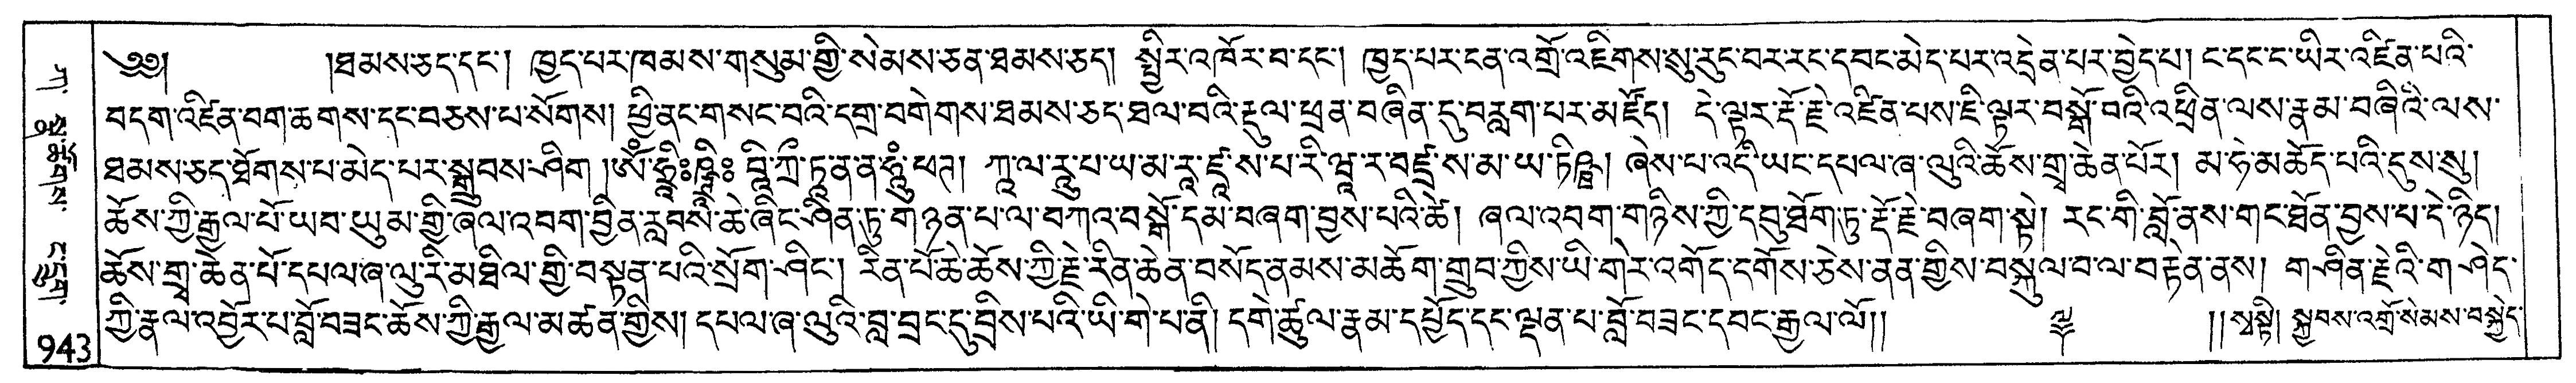༄༅། །ཐམས་ཅད་དང་། ཁྱད་པར་ཁམས་གསུམ་གྱི་སེམས་ཅན་ཐམས་ཅད། སྤྱིར་འཁོར་བ་དང་། ཁྱད་པར་ངན་འགྲོ་འཇིགས་སུ་རུང་བར་རང་དབང་མེད་པར་འདྲེན་པར་བྱེད་པ། ང་དང་ང་ཡིར་འཛིན་པའི་
བདག་འཛིན་བག་ཆགས་དང་བཅས་པ་སོགས། ཕྱི་ནང་གསང་བའི་དགྲ་བགེགས་ཐམས་ཅད་ཐལ་བའི་རྡུལ་ཕྲན་བཞིན་དུ་བརླག་པར་མཛོད། དེ་ལྟར་རྡོ་རྗེ་འཛིན་པས་ཇི་ལྟར་བསྒོ་བའི་འཕྲིན་ལས་རྣམ་བཞིའི་ལས་
ཐམས་ཅད་ཐོགས་པ་མེད་པར་སྒྲུབས་ཤིག །ཨོཾ་ཧྲཱིཿ ཥྚྲཱིཿ བཱི་ཀྲྀ་ཏཱ་ན་ན་ཧཱུཾ་ཕཊ། ཀཱ་ལ་རཱུ་པ་ཡ་མ་རཱ་ཛཱ་ས་པ་རི་ཝཱ་ར་བཛྲ་ས་མ་ཡ་ཏིཥཊཿཨ། ཞེས་པ་འདི་ཡང་དཔལ་ཞ་ལུའི་ཆོས་གྲྭ་ཆེན་པོར། མ་ཧེ་མཆོད་པའི་དུས་སུ།
ཆོས་ཀྱི་རྒྱལ་པོ་ཡབ་ཡུམ་གྱི་ཞལ་འབག་བྱིན་རླབས་ཆེ་ཞིང་ཤིན་ཏུ་གཉན་པ་ལ་བཀའ་བསྒོ་དམ་བཞག་བྱས་པའི་ཚེ། ཞལ་འབག་གཉིས་ཀྱི་དབུ་ཐོག་ཏུ་རྡོ་རྗེ་བཞག་སྟེ། རང་གི་བློ་ནས་གང་ཐོན་བྱས་པ་དེ་ཉིད།
ཆོས་གྲྭ་ཆེན་པོ་དཔལ་ཞ་ལུ་རི་མཐིལ་གྱི་བསྟན་པའི་སྲོག་ཤིང་། རིན་པོ་ཆེ་ཆོས་ཀྱི་རྗེ་རིན་ཆེན་བསོད་ནམས་མཆོག་གྲུབ་ཀྱིས་ཡི་གེར་འགོད་དགོས་ཅེས་ནན་གྱིས་བསྐུལ་བ་ལ་བརྟེན་ནས། གཤིན་རྗེའི་གཤེད་
ཀྱི་རྣལ་འབྱོར་པ་བློ་བཟང་ཆོས་ཀྱི་རྒྱལ་མཚན་གྱིས། དཔལ་ཞ་ལུའི་བླ་བྲང་དུ་བྲིས་པའི་ཡི་གེ་པ་ནི། དགེ་ཚུལ་རྣམ་དཔྱོད་དང་ལྡན་པ་བློ་བཟང་དབང་རྒྱལ་ལོ།། ༈ །།སྭསྟི། སྐྱབས་འགྲོ་སེམས་བསྐྱེད་